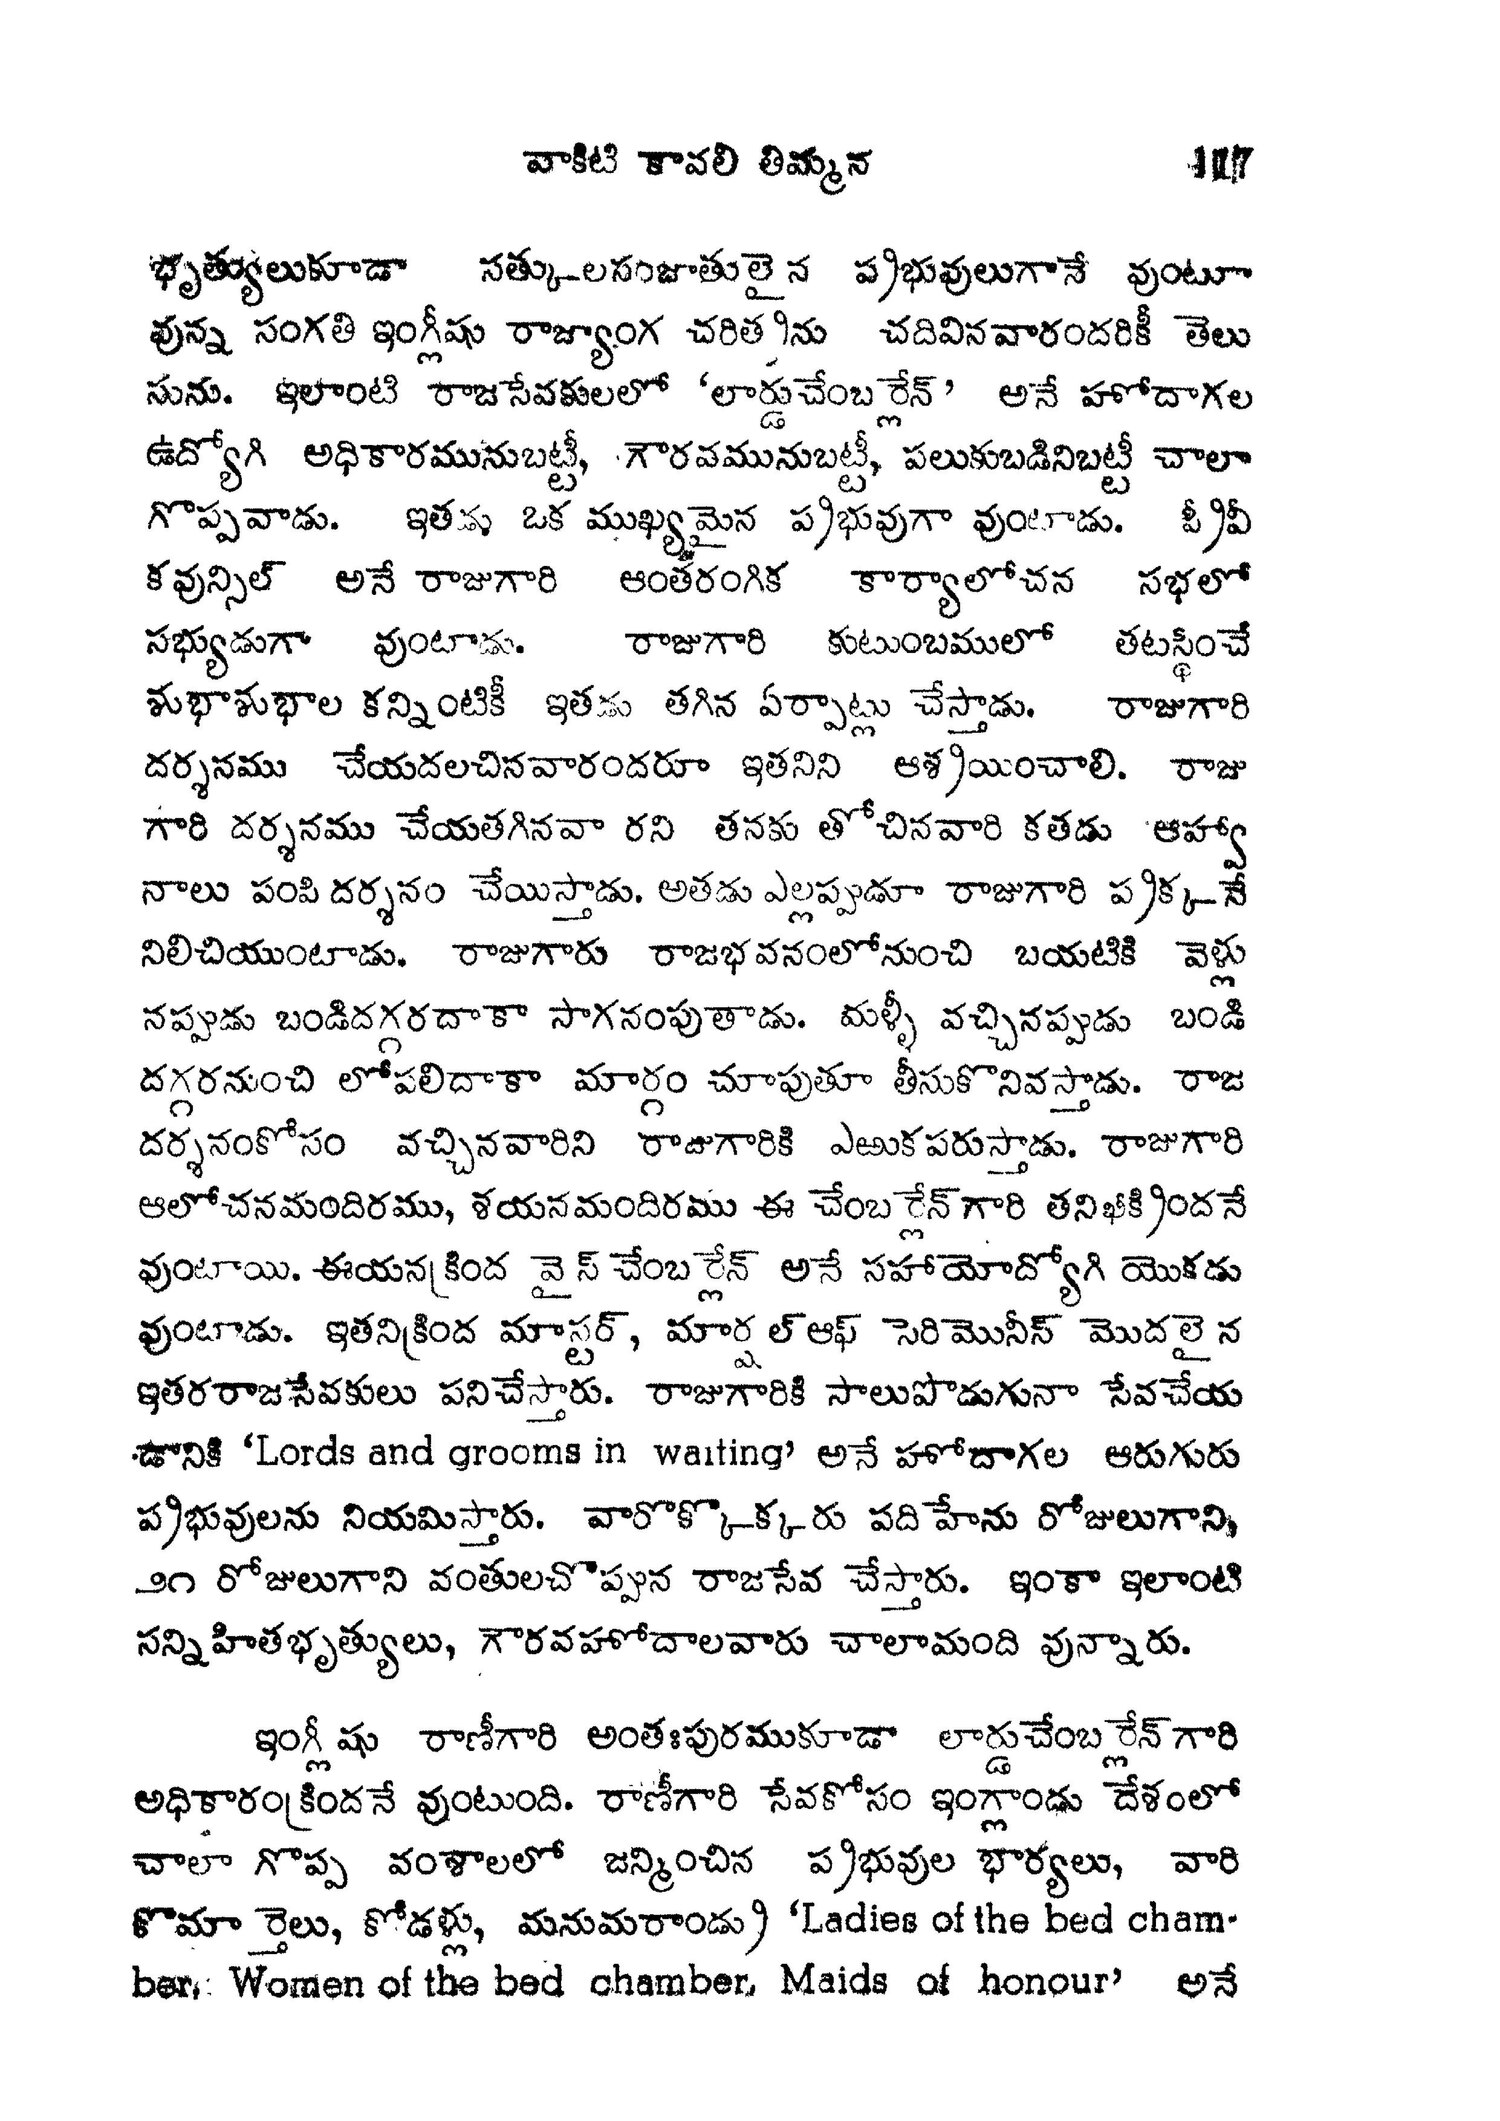భృత్యులుకూడా సత్కులసంజాతులైన ప్రభువులుగానే వుంటూ వున్న సంగతి ఇంగ్లీషు రాజ్యాంగ చరిత్రను చదివినవారందరికీ తెలుసును. ఇలాంటి రాజసేవకుల లో 'లార్డుచేంబర్లేన్ ' అనే హోదాగల ఉద్యోగి అధికారమునుబట్టీ, గౌరవమునుబట్టీ, పలుకుబడినిబట్టీ చాలా గొప్పవాడు. ఇతను ఒక ముఖ్యమైన ప్రభువుగా వుంటాడు. ప్రీవీకవున్సిల్ అనే రాజుగాని అంతరంగిక కార్యాలోచన సభలో సభ్యుడుగా వుంటాడు. రాజుగారి కుటుంబములో తటస్థించే శుబాశుభాల కన్నింటికీ ఇతడు తగిన ఏర్పాట్లు చేస్తాడు. రాజుగారి దర్శనము చేయదలచిన వారందరూ ఇతనిని ఆశ్రయించాలి. రాజుగారి దర్శనము చేయతగినవారని తనకు తోచినవారి కతడు ఆహ్వానాలు పంపిస్తాడు. అతడు ఎల్లప్పుడూ రాజుగారి ప్రక్కనే నిలిచియుంటాడు. రాజుగారు రాజభవనంలోనుంచి బయటికి వెళ్లునప్పుడు బండిదగ్గరనుంచి లోపలిదాకా మార్గం చూపుతూ తీసుకొనివస్తాడు. రాజ దర్శనం కోసం వచ్చినవారిని రాజుగారికి ఎఱుకరుస్తాడు. రాజుగారి ఆలోచనమందిరము, శయనమందిరం ఈ చేంబర్లేన్ గారి తనిఖీక్రిందనే వుంటాయి. ఈయనక్రింద వైస్ చేంబర్లేన్ అనే సహాయోద్యోగి యొకడు వుంటాడు. ఇతనిక్రింది మాస్టర్, మార్షల్, మార్షల ఆఫ్ సెరిమొనీస్ మొదలైన ఇతరరాజ సేవకులు పనిచేస్తారు. రాజుగారికి సాలుపొడుగునా సేవచేడానికి 'Lords and grooms in waiting ' అనే హోదాగల ఆరుగురు ప్రభువులను నియమిస్తారు. వారొక్కొక్కరు పదిహెను రోజులుగాని, 21 రొజులుగాని వంతులుచొప్పున రాజసేవ చేస్తారు. ఇంకా ఇలాంటి సన్నిహితభృత్యులు, గౌరవహోదాలవారు చాలామంది వున్నారు.

ఇంగ్లీషు రాణీగారి అంత:పురముకూడా లార్డుచేంబర్లేన్ గారి అధికారంక్రిందనే వుంటుంది. రాణీగారి సేవకోసం ఇంగ్లాండు దేశంలో చాలా గొప్ప వంశాలలో జన్మించిన ప్రభువుల భార్యలు, వారి కొమర్తెలు, కోడళ్లు, మనుమరాండ్రు 'Ladies of the bed chamber, Women of the chamber, Maids of honour' అనే